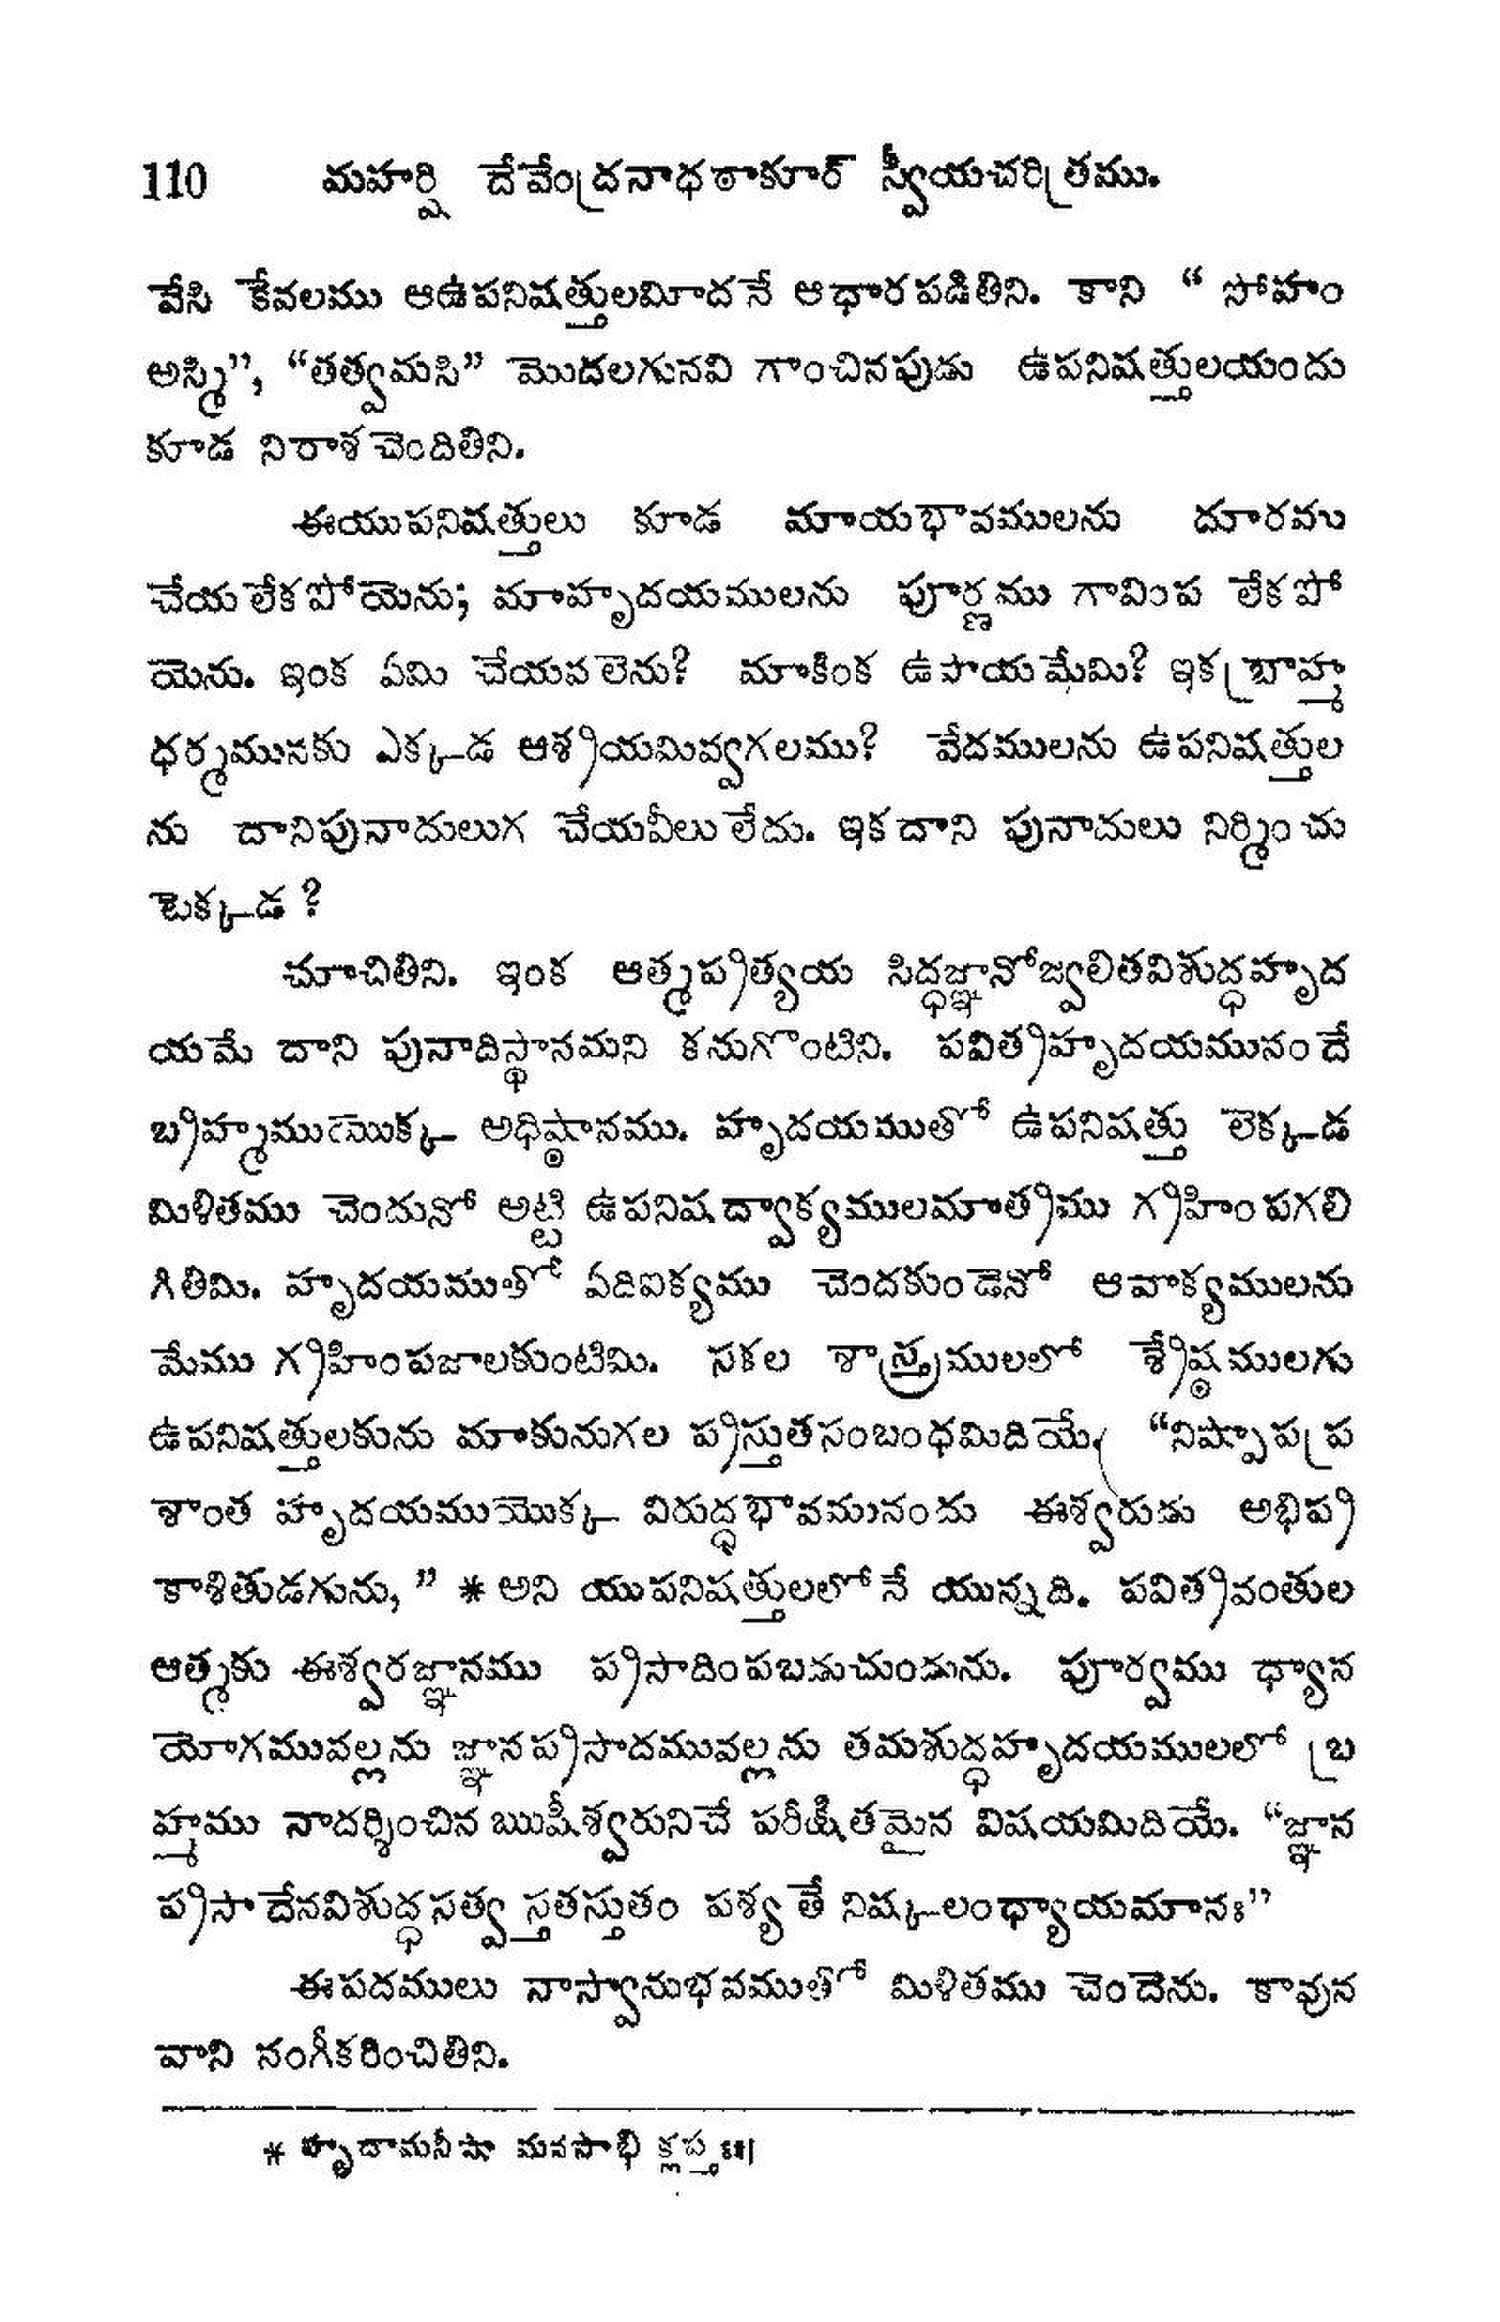.

వేసి 'కేవలము ఆ ఉపనిషత్తులమీదనే ఆధార పడితిని. కాని
సోహం అస్మి”, “తత్వమసి" మొదలగునవి గాంచినపుడు 
ఉపనిషత్తులయందు కూడ నిరాశ చెందితిని.

ఈయుపనిషత్తులు కూడ మాయభావములను దూరము చేయ లేక పోయెను; మాహృదయములను పూర్ణము గావింప లేక పోయెను. ఇంక ఏమి చేయవలెను? 
మాకింక ఉపొయ మేమి? ఇక బ్రాహధర్మమునకు ఎక్కడ ఆశ్రయమివ్వగలము? వేదములను ఉపనిషత్తులను దానిపునాదులుగ చేయవీలు లేదు. ఇక దాని 
పునాదులు నిర్మించుటెక్కడ? 

చూచితిని. ఇంక ఆత్మహత్యయ సిద్ధజ్ఞానోజ్వలిత విశుద్ధహృదయమే 
దాని పునాది స్థానమని కనుగొంటిని. పవిత్ర హృదయమునందే
బ్రహ్మము యొక్క అధిష్ఠానము. హృదయముతో ఉపనిషత్తు "లెక్కడ
మిళితము చెందునో అట్టి ఉపనిష షద్వాక్యములమాతము 
గ్రహింపగలిగితిమి. హృదయముతో ఏది ఐక్యము చెందకుండెనో 
ఆవాక్యములనుమేము గ్రహింపజాల కుంటిమి. సకల శాస్త్రములలో 
శ్రేష్ఠములగు ఉపనిషత్తులకును మాకును గల ప్రస్తుత సంబంధమిదియే. 
“నిష్పాపప్రశాంత హృదయము యొక్క విరుద్ధ భావమునందు ఈశ్వరుడు 
అభిప్రకాశితుడగును, ” * అని యుపనిషత్తులలోనే యున్నది. పవిత్రవంతుల ఆత్మకు ఈశ్వరజ్ఞానము 
ప్రసాదింపబడు చుండును. పూర్వము ధ్యాన యోగమువల్లను జ్ఞాన ప్రసాదము
వల్లను తమ శుద్ధహృదయములలో బ్రహము నాదర్శించిన ఋషీశ్వరునిచే 
పరీక్షితమైన విషయమిదియే. "జ్ఞానప్రసాదేనవిశుద్ధ సత్వ స్తతస్తుతం పశ్య తే 
నిష్కలం ధ్యాయమానః"

ఈ పదములు నాస్వానుభవముతో మిళితము చెందెను. కావున వాని 
సంగీకరించితిని.